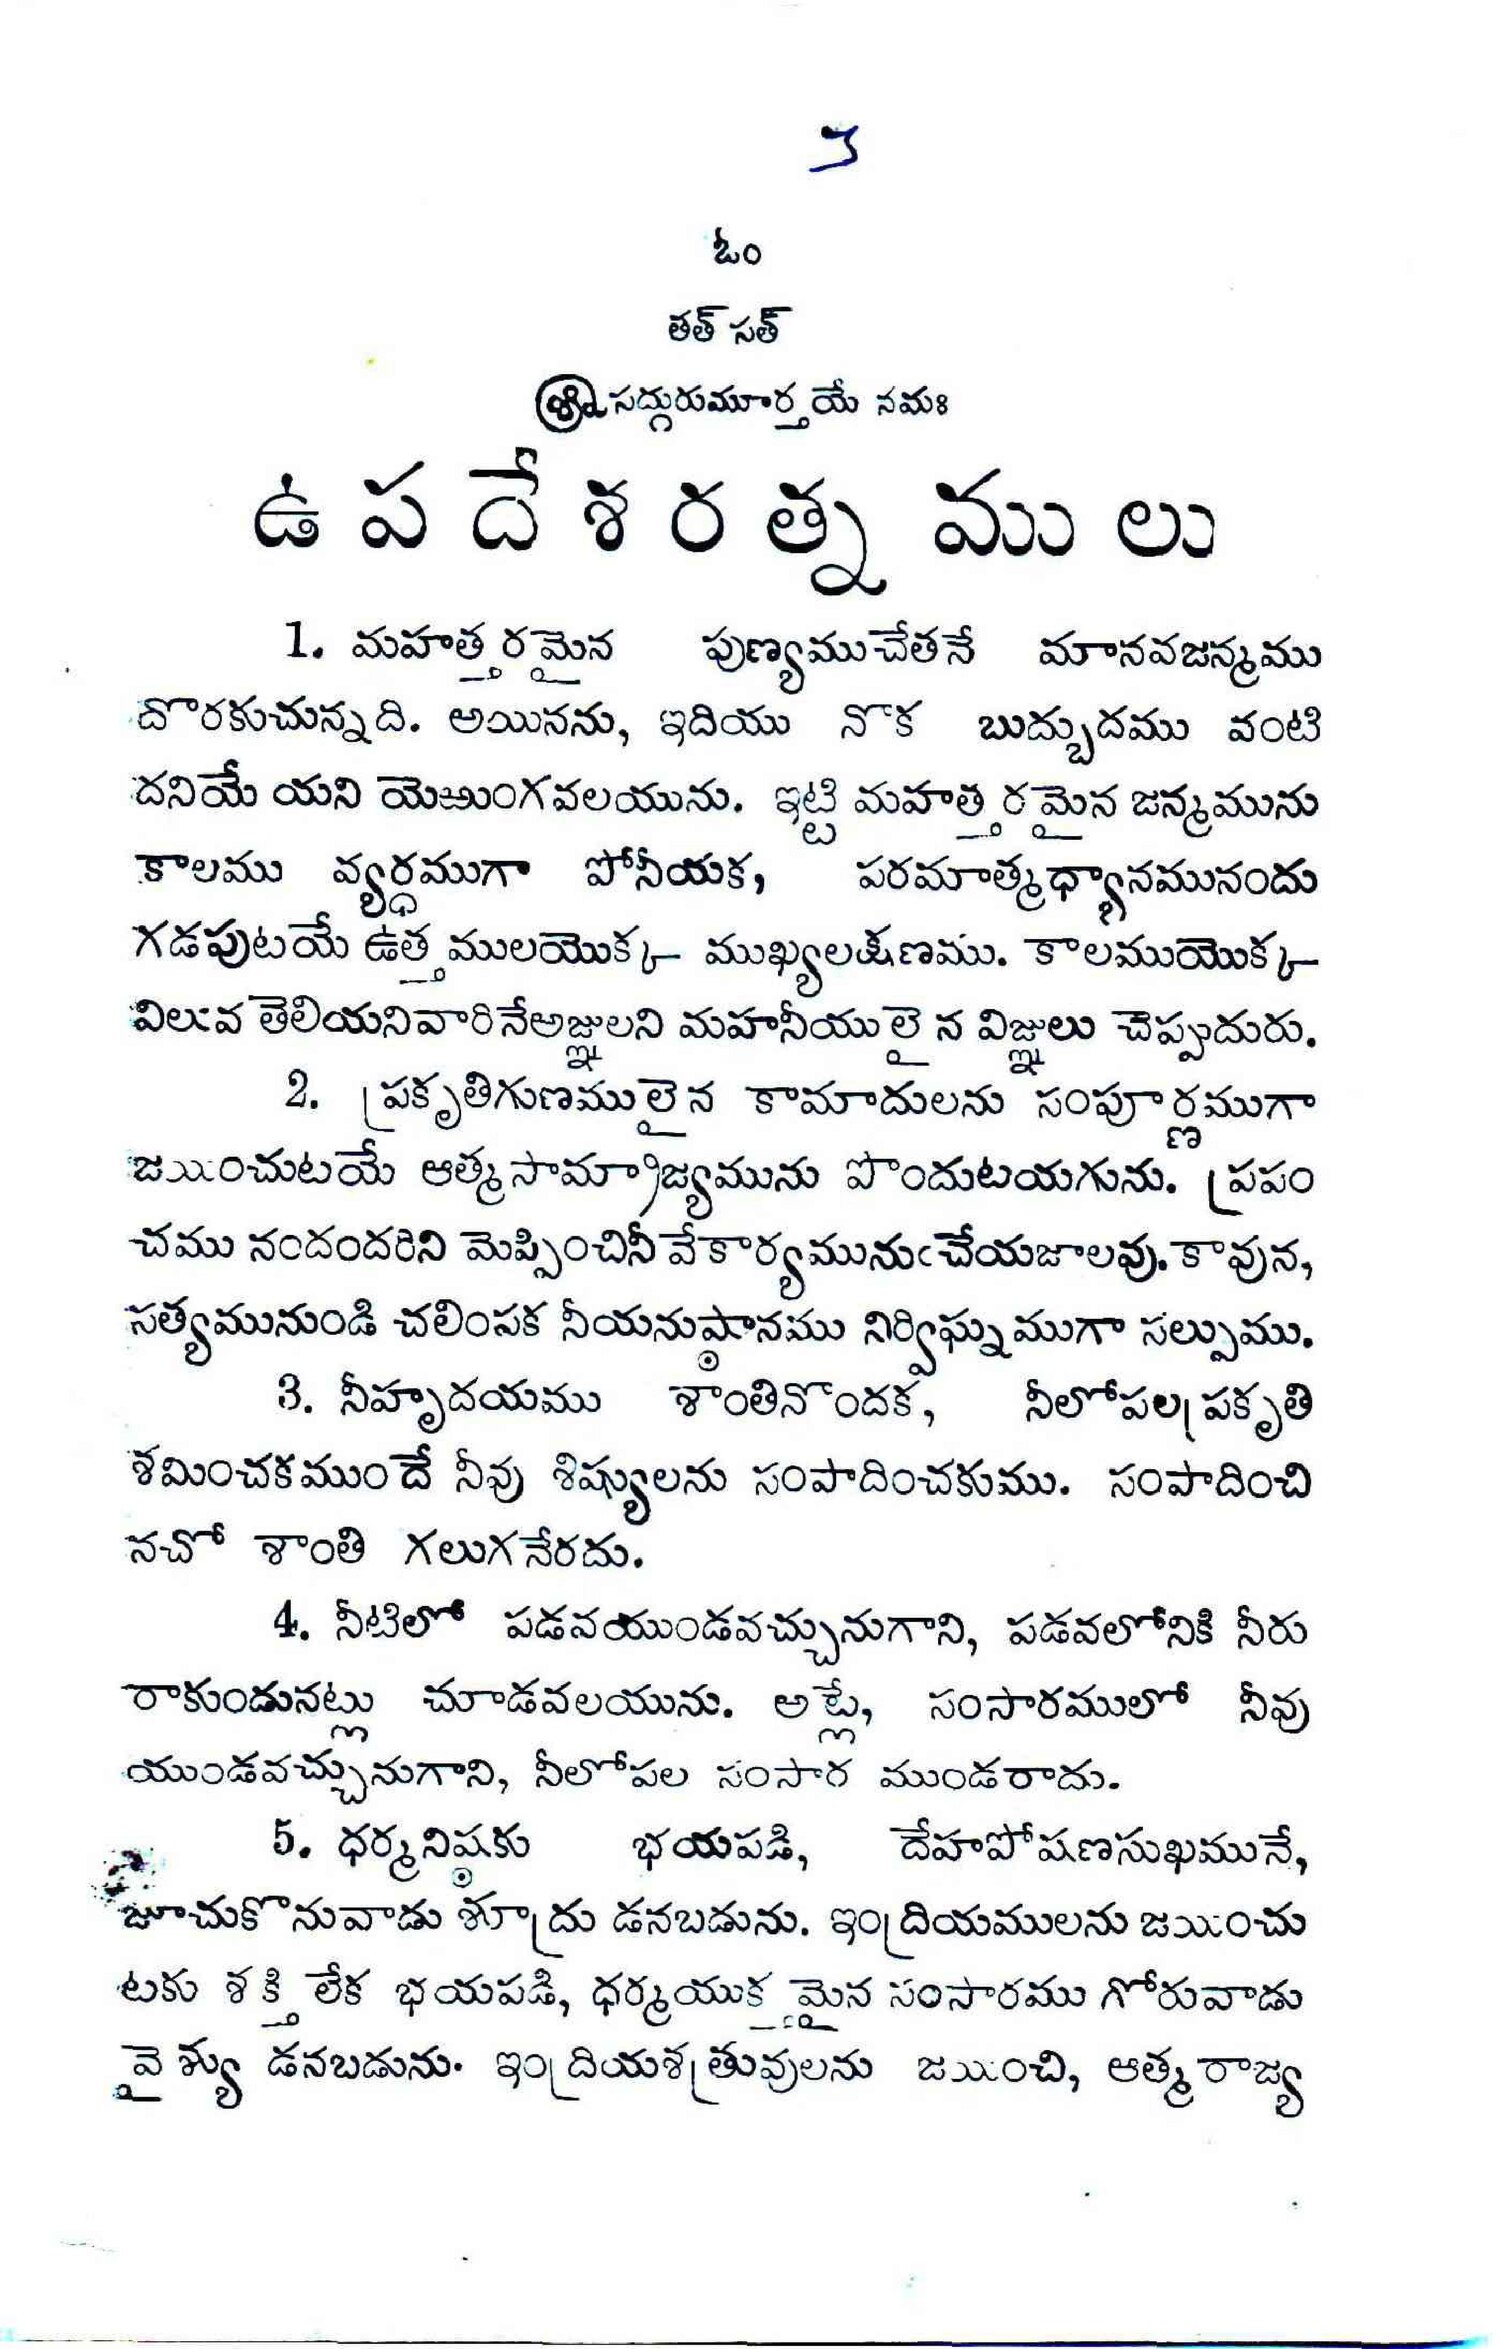ఉపదేశరత్నములు

1. మహత్తరమైన పుణ్యము చేతనే మానవజన్మము
దొరకుచున్నది. అయినను, ఇదియు నొక బుద్బుదము వంటి
దనియే యని యెఱుంగవలయును. ఇట్టి మహత్తరమైన జన్మమును
కాలము వ్యర్ధముగా పోనీయక, పరమాత్మ ధ్యానమునందు
గడపుటయే ఉత్త ములయొక్క ముఖ్యలక్షణము. కాలముయొక్క
విలువ తెలియనివారినేఅజ్ఞులని మహనీయులైన విజ్ఞులు చెప్పుదురు.
2. ప్రకృతిగుణములైన కామాదులను సంపూర్ణముగా
'జయించుటయే ఆత్మసామ్రాజ్యమును పొందుటయగును. ప్రపం
చము నందందరిని మెప్పించినీ వే కార్యమునుఁ చేయజాలవు,
కావున,
సత్యమునుండి చలింపక నీయనుష్ఠానము నిర్విఘ్నముగా సల్పుము.
3. నీహృదయము శాంతినొందక, నీలోపలప్రకృతి
శమించకముందే నీవు శిష్యులను సంపాదించకుము. సంపాదించి
నచో శాంతి గలుగనేరదు.
4. నీటిలో పడవయుండవచ్చునుగాని, పడవలోనికి నీరు
రాకుండునట్లు చూడవలయును. అటే, సంసారములో నీవు
యుండవచ్చునుగాని, నీలోపల సంసార ముండరాదు.

5. ధర్మనిషకు భయపడి,
దేహపోషణసుఖమునే,

జూచుకొనువాడు శూద్రు డనబడును. ఇంద్రియములను జయించు
టకు శక్తి లేక భయపడి, ధర్మయుక్త మైన సంసారము గోరువాడు
వైశ్యు డనబడును. ఇంద్రియశత్రువులను జయించి, ఆత్మ రాజ్య